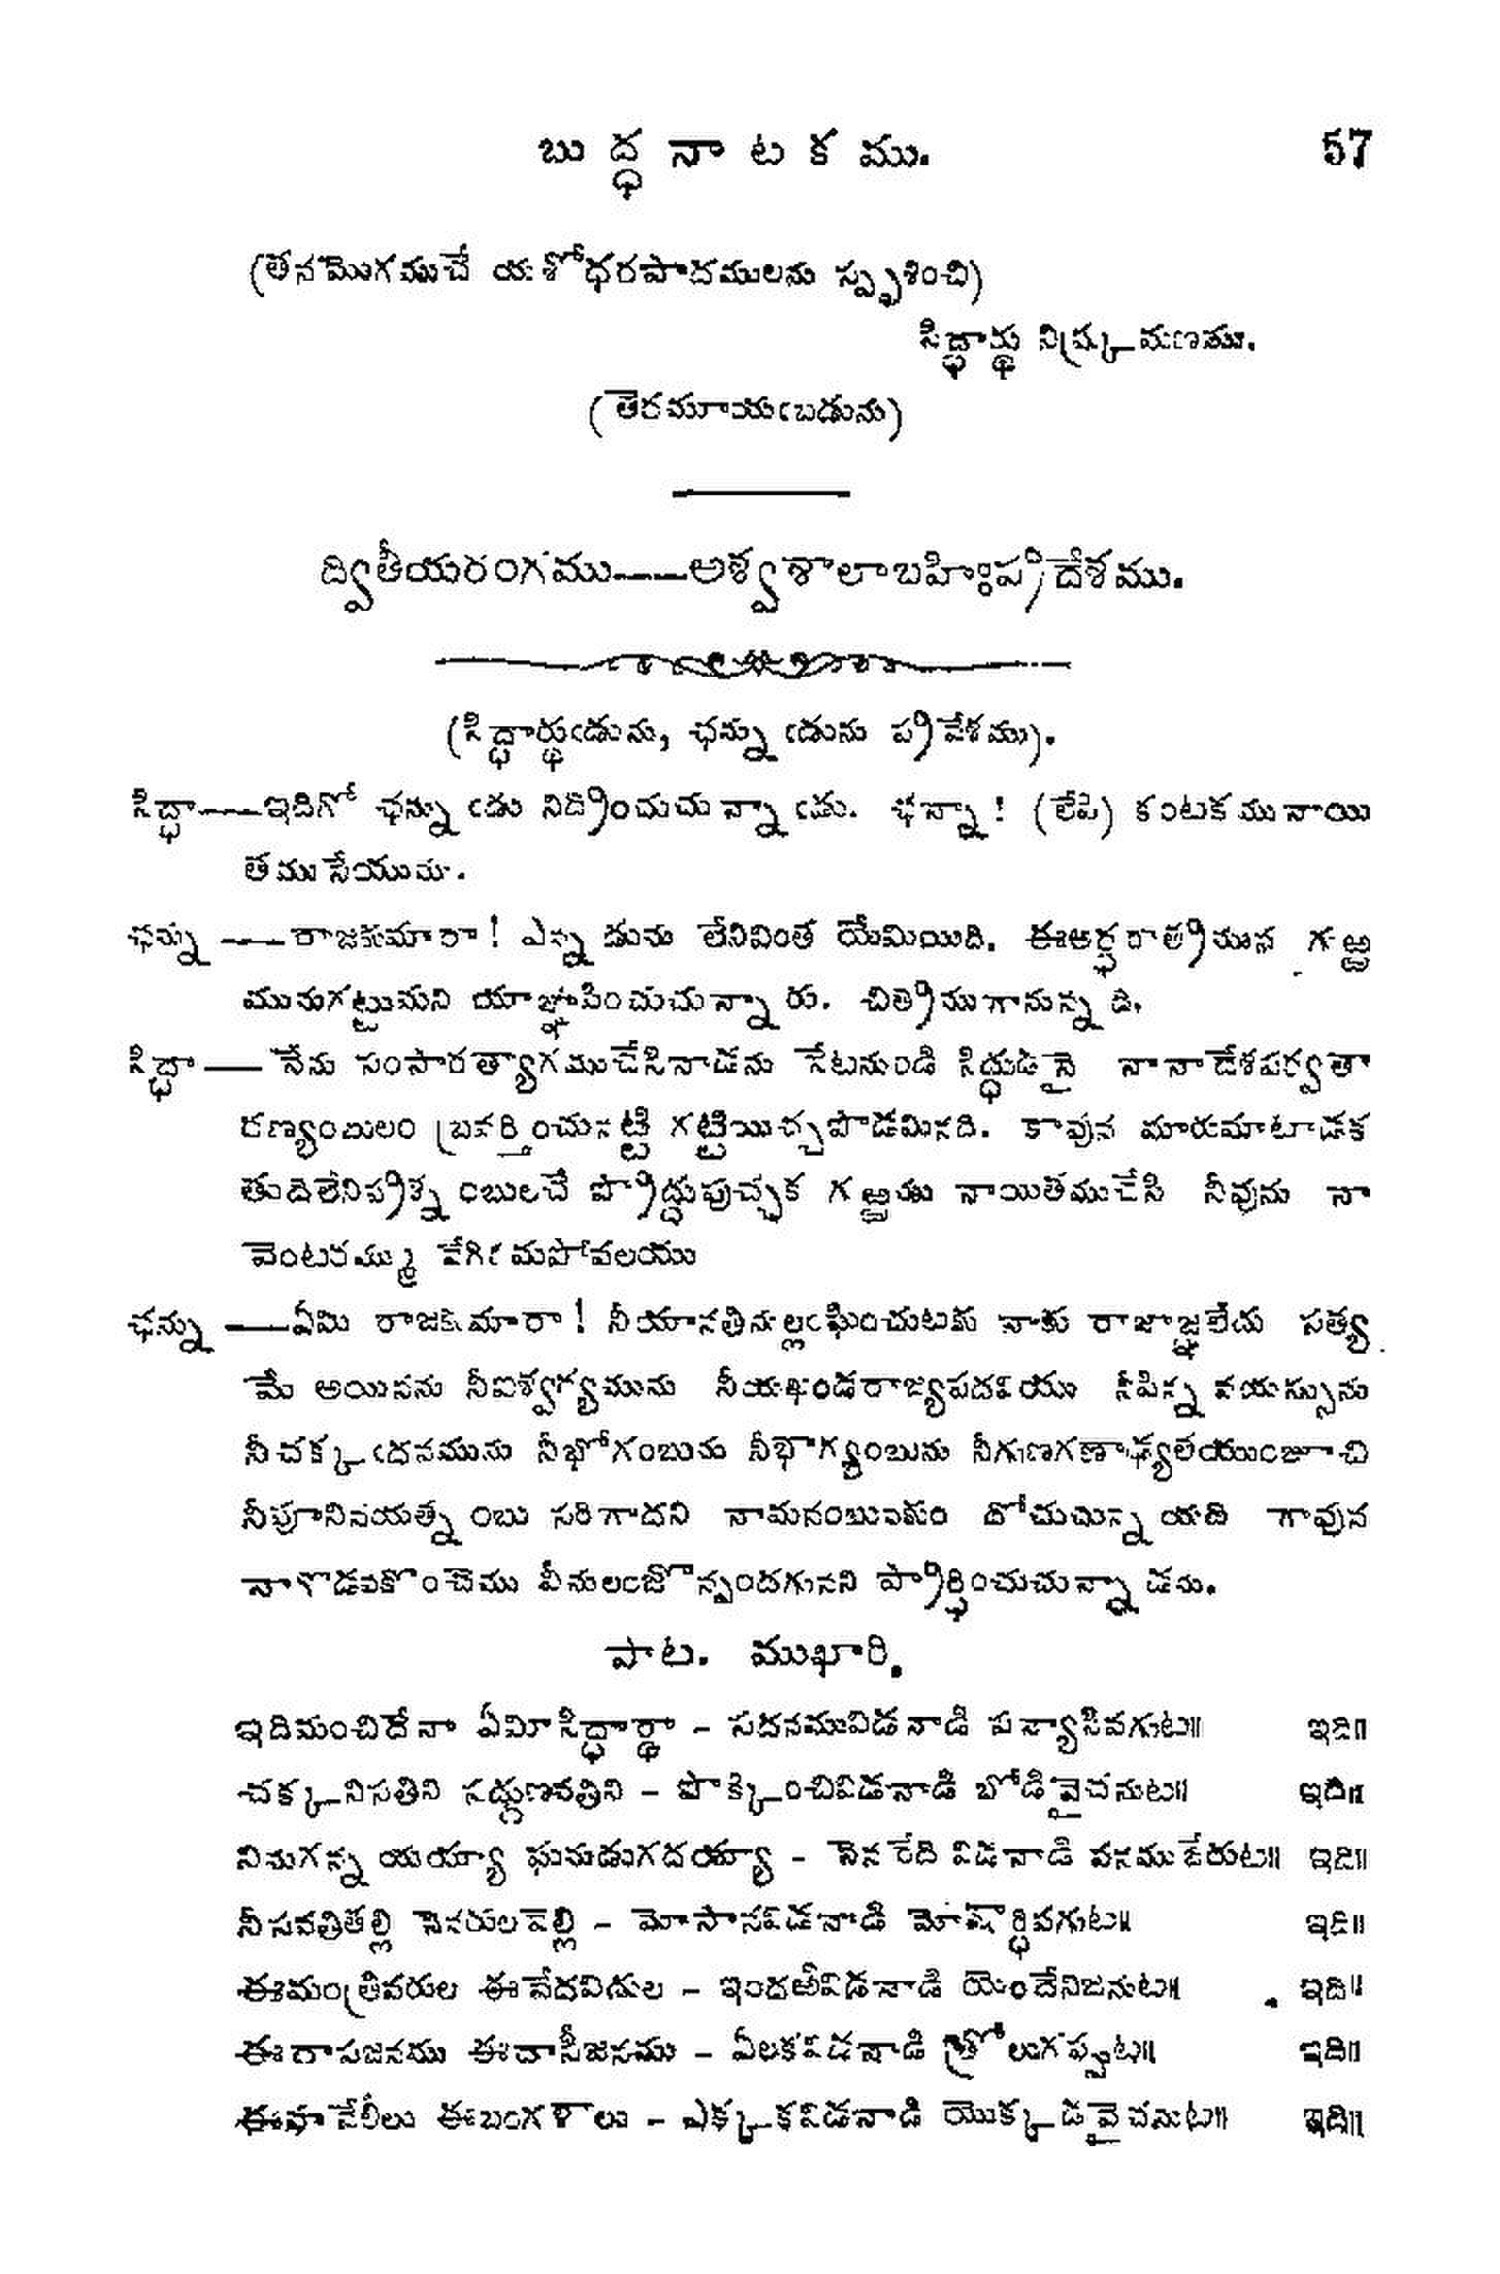సిద్ధా - ఇదిగో ఛన్నుఁడు నిద్రించుచున్నాఁడు. ఛన్నా! (లేపి) కంటకమునాయితము సేయుము.

ఛన్ను - రాజకుమారా! ఎన్నడును లేనివింత యేమియిది. ఈఅర్ధరాత్రమున గుఱ్ఱమునుగట్టుమని యాజ్ఞాపించుచున్నారు. 
చిత్రిముగానున్నది.

సిద్దా - నేను సంసారత్యాగముచేసినాడను సేటనుండి సిద్ధుడినై నానాదేశపర్వతారణ్యంబులం బ్రవర్తించునట్టి గట్టియిచ్చపొడమినది. 
కావున మారుమాటాడక తుదిలేనిప్రశ్నCబులచే పొద్దుపుచ్చక గుఱ్ఱము నాయితముచేసి నీవును నా వెంటనమ్ము వేగిరమపోవలయు

ఛన్ను - ఏమి రాజకుమారా! నీయానతినుల్లంఘించుటకు నాకు రాజాజ్ఞలేదు. సత్యమే అయినను నీ ఐశ్వర్యమును నీయఖండ 
రాజ్యపదవియు పిన్నవయస్సును నీక్కఁదనమును నీ భోగంబును రు నీ భాగ్యంబును నీగుణగణాడ్యాతయుంజూచి నీపూనినయత్న౦బు సరిగాదని నామనంబునకు దోచుచున్నయది గావున నా గొడవకొంచెము వీనులఁజొస్పందగునని ప్రార్ధించుచున్నాడను.

ఇదిమంచిదేనా ఏమోసిద్ధార్థా - సదనమువిడనాడి సన్యాసివగుట ॥ఇది॥
చక్కనిసతిని సద్గుణవతిని - పొక్కించివిడనాడి బోడీవైచనుటు ॥ఇది॥
నినుగన్నయయ్యా ఘనుడుగదయ్యా - పెనరేది విడనాడి వనముజేరుట ॥ఇది॥
నీ సవతితల్లి నెవరులవెల్లి - మోసానవిడనాడి మోక్షార్ధివగుటు ॥ఇది॥
ఈమంత్రివరులు ఈవేదవిదుల - ఇందఱినివిడనాడి యెందేనిజనుట ॥ఇది॥
ఈరాసజనము ఈదాసీజనము - ఏలకవిడవాడి త్రోలుగప్పుట ॥ఇది॥ 
ఈహవేలీలు ఈబంగళాలు - ఎక్కకవిడనాడి యొక్కడవైచనుట ॥ఇది॥